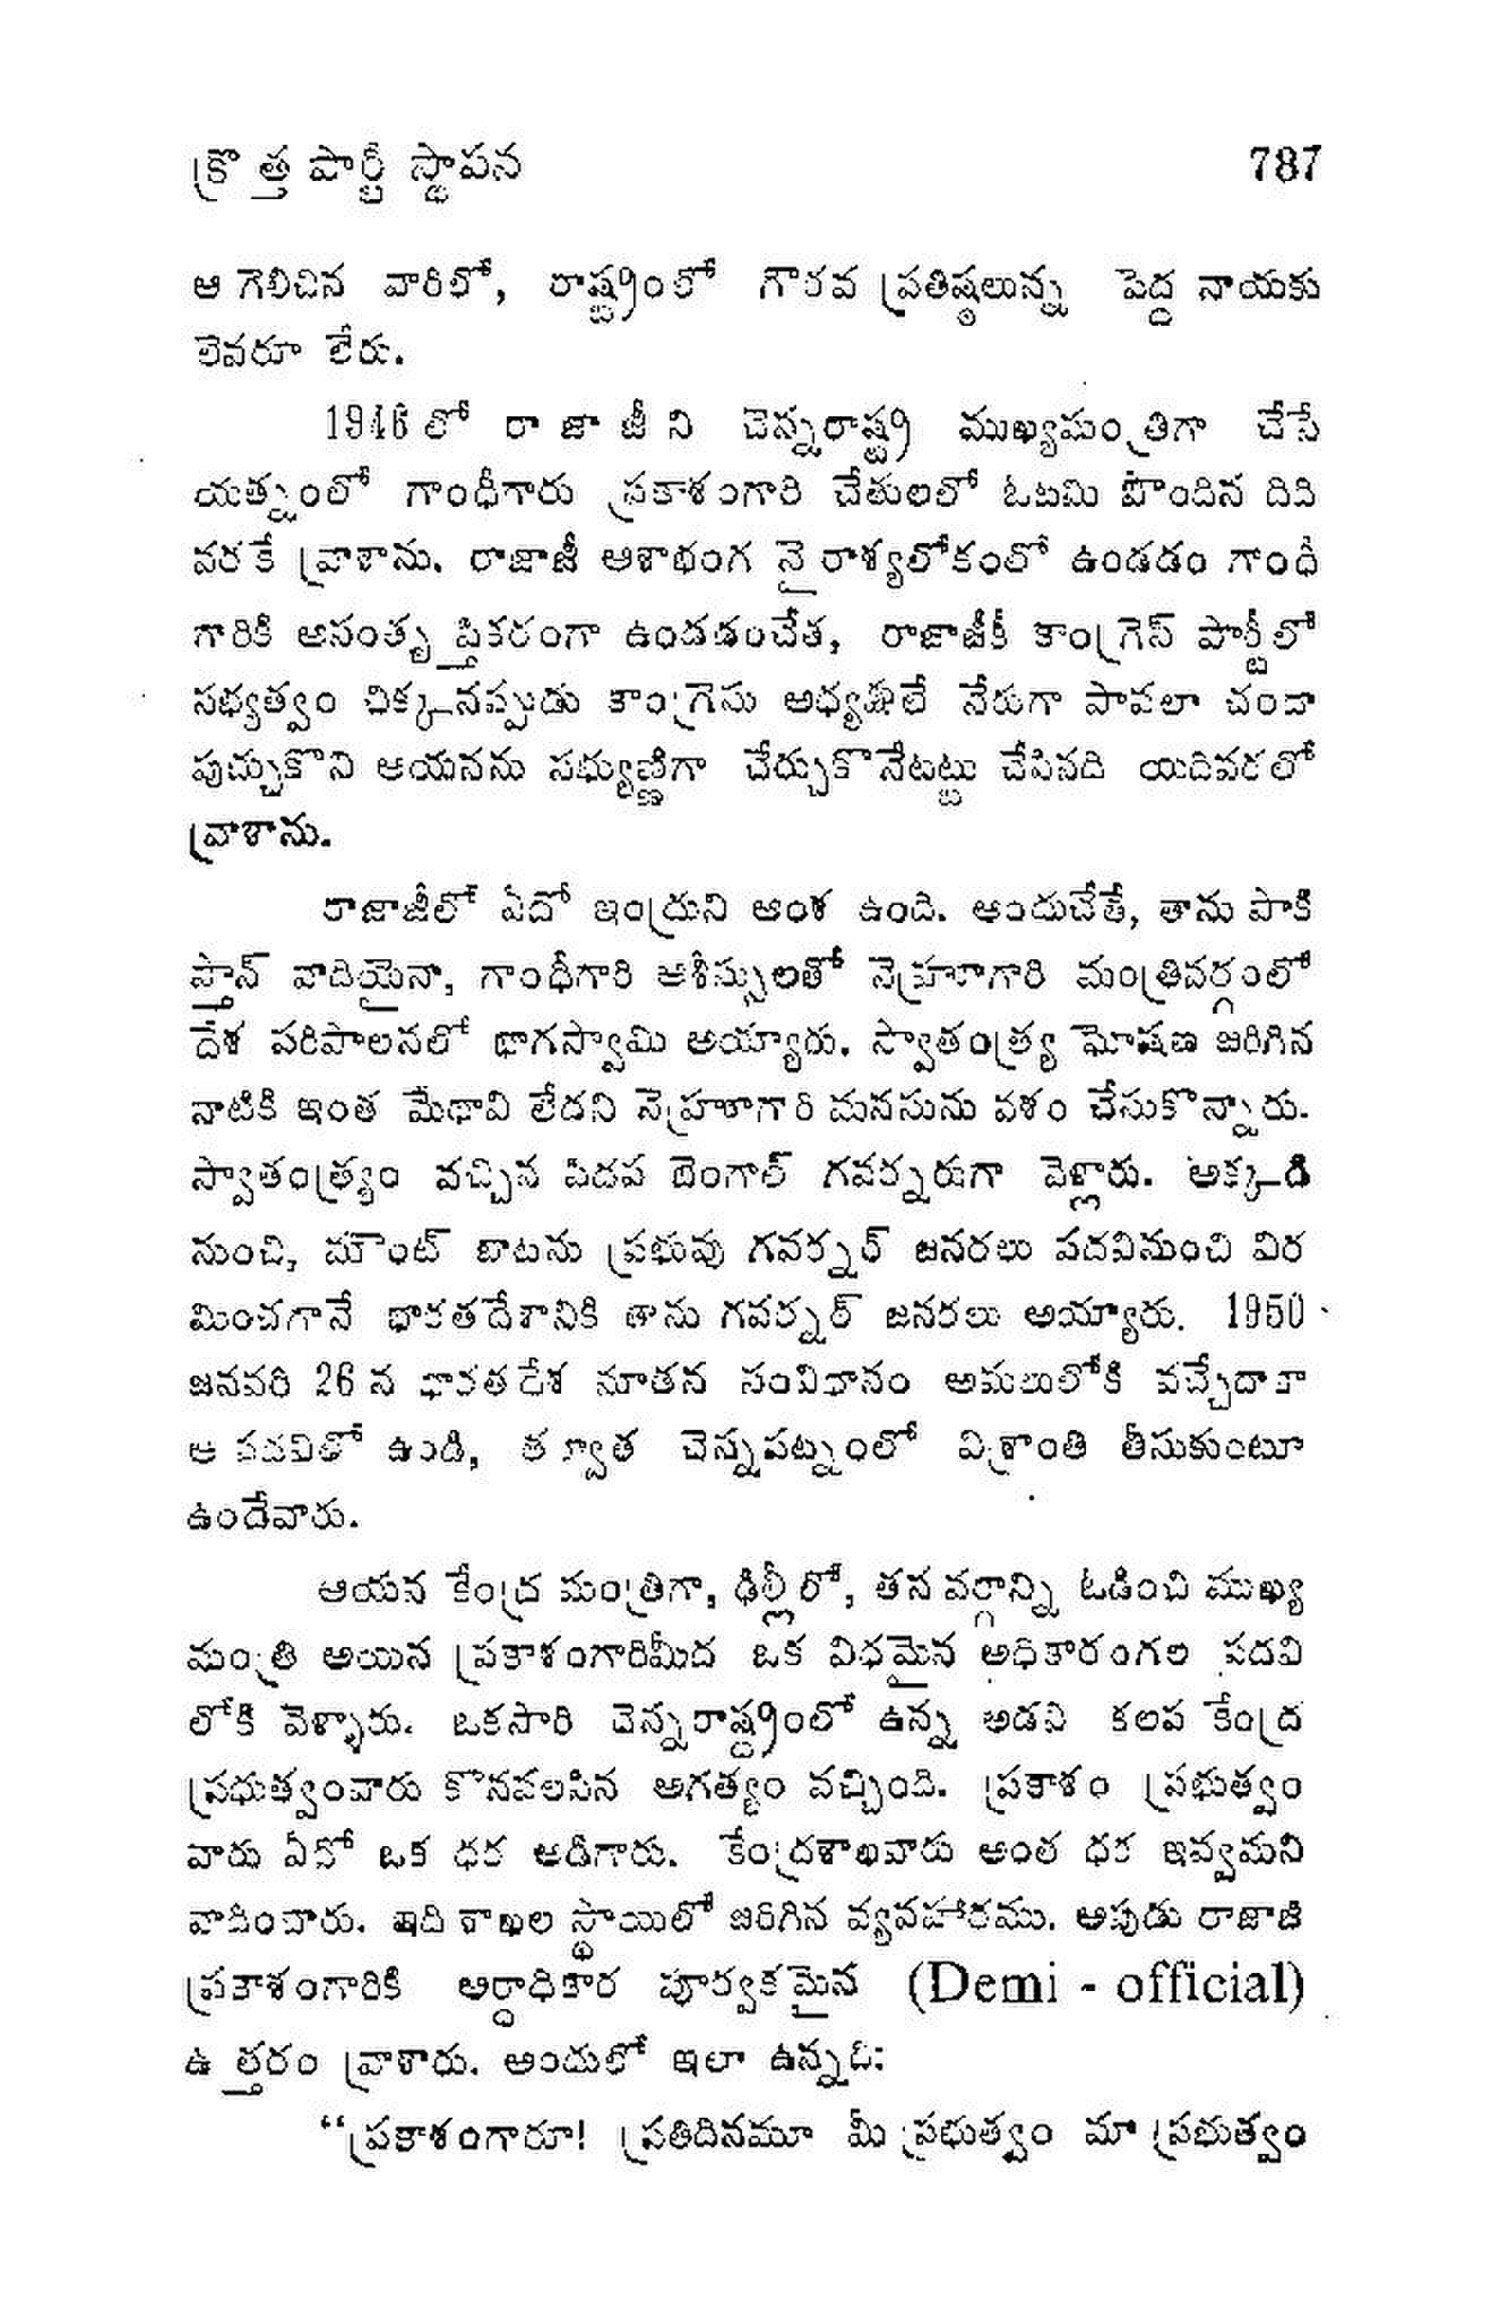ఆ గెలిచిన వారిలో, రాష్ట్రంలో గౌరవ ప్రతిష్ఠలున్న పెద్ద నాయకు లెవరూ లేరు.

1946 లో రాజాజీని చెన్నరాష్ట్ర ముఖ్యమంత్రిగా చేసే యత్నంలో గాంధీగారు ప్రకాశంగారి చేతులలో ఓటమి పొందిన దిదివరకే వ్రాశాను. రాజాజీ ఆశాభంగ నైరాశ్యలోకంలో ఉండడం గాంధీగారికి అసంతృప్తికరంగా ఉండడంచేత, రాజాజీకి కాంగ్రెస్ పార్టీలో సభ్యత్వం చిక్కనప్పుడు కాంగ్రెసు అధ్యక్షులే నేరుగా పావలా చందా పుచ్చుకొని ఆయనను సభ్యుణ్ణిగా చేర్చుకొనేటట్టు చేసినది యిదివరలో వ్రాశాను.

రాజాజీలో ఏదో ఇంద్రుని అంశ ఉంది. అందుచేతే, తాను పాకిస్తాన్ వాదియైనా, గాంధీగారి ఆశీస్సులతో నెహ్రూగారి మంత్రివర్గంలో దేశ పరిపాలనలో భాగస్వామి అయ్యారు. స్వాతంత్ర్య ఘోషణ జరిగిన నాటికి ఇంత మేథావి లేరని నెహ్రూగారి మనసును వశం చేసుకొన్నారు. స్వాతంత్ర్యం వచ్చిన పిదప బెంగాల్ గవర్నరుగా వెళ్లారు. అక్కడినుంచి, మౌంట్ బాటను ప్రభువు గవర్నర్ జనరలు పదవినుంచి విరమించగానే భారతదేశానికి తాను గవర్నర్ జనరలు అయ్యారు. 1950 జనవరి 26 న భారతదేశ నూతన సంవిధానం అమలులోకి వచ్చేదాకా ఆ పదవిలో ఉండి, తర్వాత చెన్నపట్నంలో విశ్రాంతి తీసుకుంటూ ఉండేవారు.

ఆయన కేంద్ర మంత్రిగా, ఢిల్లీలో, తన వర్గాన్ని ఓడించి ముఖ్యమంత్రి అయిన ప్రకాశంగారిమీద ఒక విధమైన అధికారంగల పదవిలోకి వెళ్ళారు. ఒకసారి చెన్నరాష్ట్రంలో ఉన్న అడవి కలప కేంద్ర ప్రభుత్వంవారు కొనవలసిన అగత్యం వచ్చింది. ప్రకాశం ప్రభుత్వంవారు ఏదో ఒక ధర అడిగారు. కేంద్రశాఖవారు అంత ధర ఇవ్వమని వాదించారు. ఇది శాఖల స్థాయిలో జరిగిన వ్యవహారము. అపుడు రాజాజి ప్రకాశంగారికి అర్దాధికార పూర్వకమైన (Demi - official) ఉత్తరం వ్రాశారు. అందులో ఇలా ఉన్నది.

"ప్రకాశంగారూ! ప్రతిదినమూ మీ ప్రభుత్వం మా ప్రభుత్వం